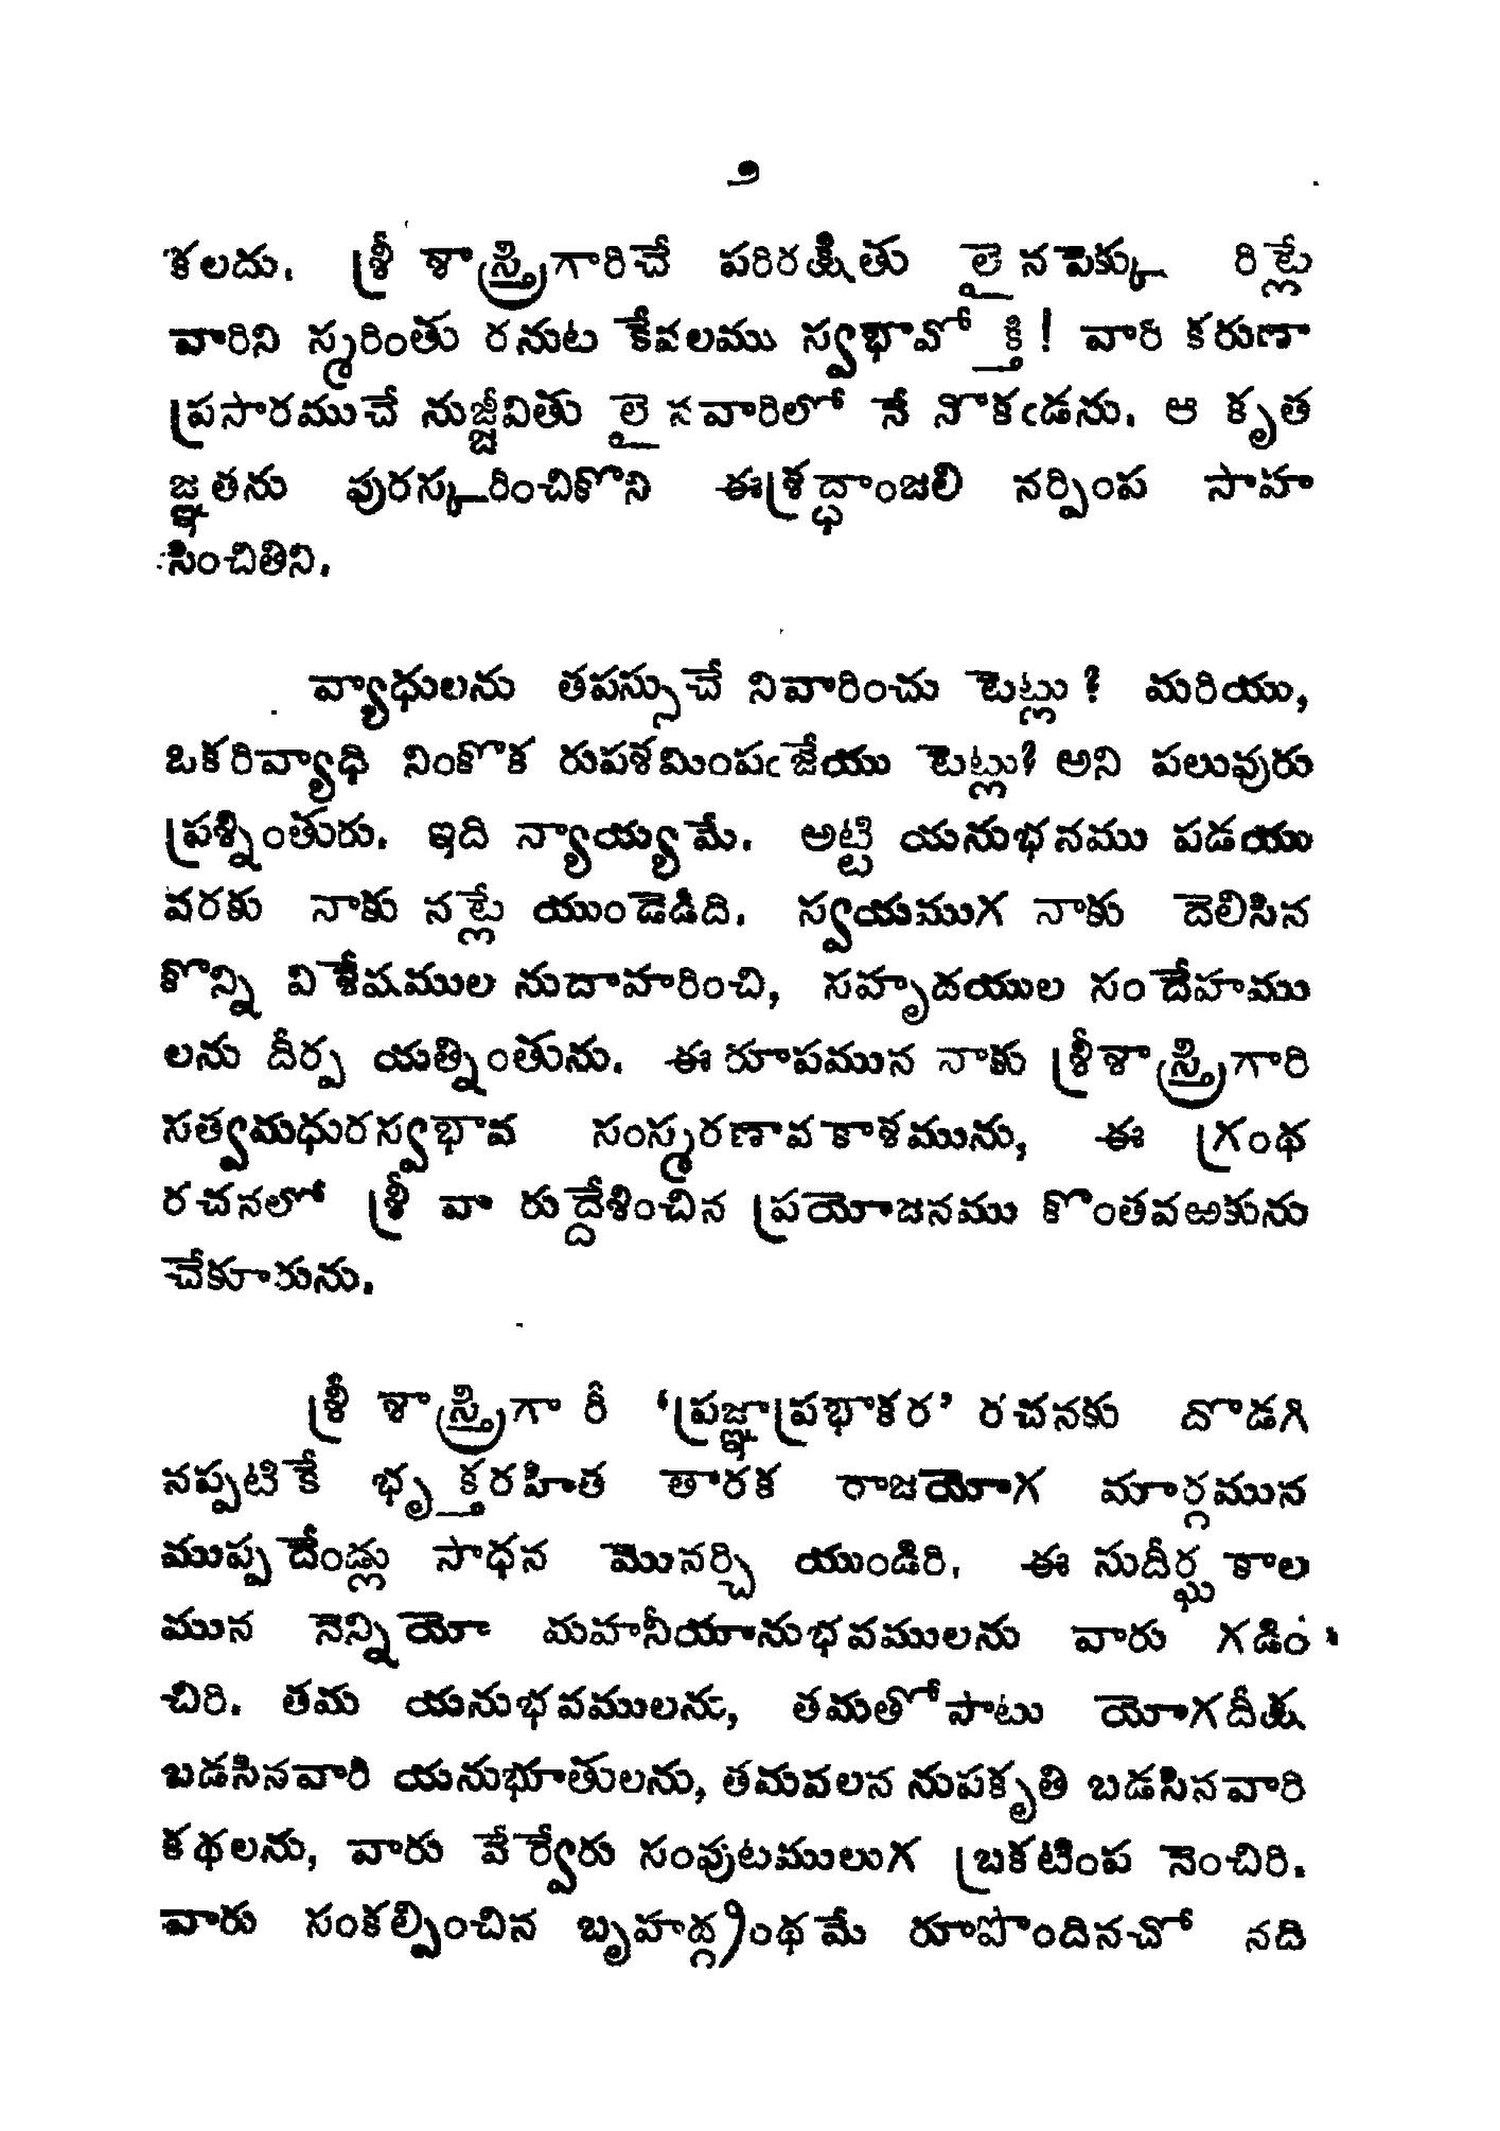కలదు. శ్రీ శాస్త్రి గారిచే పరిరక్షితులై పెక్కు రిట్లే వారిని స్మరింతు రనుట కేవలము స్వభావోక్తి! వారి కరుణా ప్రసారముచే నుజ్జివితు లైనవారిలో నేనొకఁడను. ఆ కృతజ్ఞతను పురస్కరించికొని ఈ శ్రద్ధాంజలి నర్పింప సాహసించితిని. 
వ్యాధులను తపస్సుచే నివారించు టెట్లు? మరియు, ఒకవ్యాది నింకొక రుపశమిం పఁజేయు టెట్లు? అని పలువురు ప్రశ్నింతురు. ఇది న్యాయ్యమే. అట్టి యనుభవము పడయు వరకు నాకు నట్లే యుండెడిది. స్వయముగ నాకు దెలిసిన కొన్ని విశేషముల నుదాహరించి, సహృదలహములను రూపమున నాకు శ్రీ శాస్త్రిగా సత్యమదుర స్వభావ సంస్మరణావకాశమును, ఈ గ్రంధ రచనలో శ్రీ వారుద్దేశించిన ప్రయోజనము కొంతవఱకును చేకూరును. 

 శ్రీ శాస్త్రిగారి 'ప్రజ్ఞా ప్రభాకర' రచనకు దొడగినప్పటికే భ్రుక్తరహిత తారక రాజయోగ మార్గమున ముప్పదేండ్లు సాధన మొనర్చి యుండిరి. ఈ సుదీర్ఘకాలమున నెన్నియో మహనీయాను భావములను వారు గడించిరి. తమ యనుభవములను, తమతోపాటు యోగదీక్షబడసినవారి యనుభూతులను, తమ వలన నుపకృతి బడసినవారి కధలను, వారు వేర్వేరు సంపుటములుగ బ్రకటింప నెచింరి. వారు సంకల్పించిన బృహగ్రంధమే రూపొందినచో నది